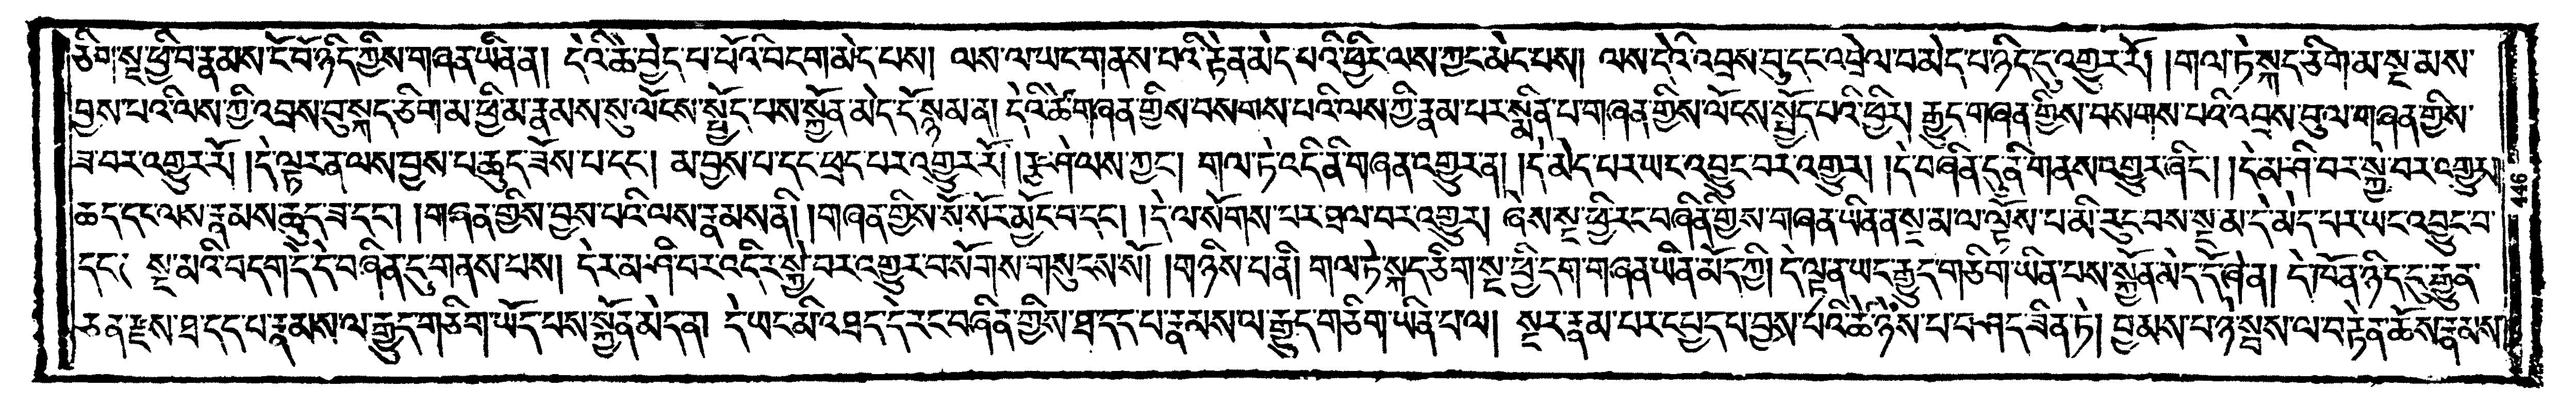ཅིག་སྔ་ཕྱི་བ་རྣམས་ངོ་བོ་ཉིད་ཀྱིས་གཞན་ཡིན་ན། དེའི་ཚེ་བྱེད་པ་པོའི་བདག་མེད་པས། ལས་ལ་ཡང་གནས་པའི་རྟེན་མེད་པའི་ཕྱིར་ལས་ཀྱང་མེད་པས། ལས་དེའི་འབྲས་བུ་དང་འབྲེལ་བ་མེད་པ་ཉིད་དུ་འགྱུར་རོ། །གལ་ཏེ་སྐད་ཅིག་མ་སྔ་མས་
བྱས་པའི་ལས་ཀྱི་འབྲས་བུ་སྐད་ཅིག་མ་ཕྱི་མ་རྣམས་སུ་ལོངས་སྤྱོད་པས་སྐྱོན་མེད་དོ་སྙམ་ན། དེའི་ཚེ་གཞན་གྱིས་བསགས་པའི་ལས་ཀྱི་རྣམ་པར་སྨིན་པ་གཞན་གྱིས་ལོངས་སྤྱོད་པའི་ཕྱིར། རྒྱུད་གཞན་གྱིས་བསགས་པའི་འབྲས་བུ་ལ་གཞན་གྱིས་
ཟ་བར་འགྱུར་རོ། །དེ་ལྟར་ན་ལས་བྱས་པ་ཆུད་ཟོས་པ་དང་། མ་བྱས་པ་དང་ཕྲད་པར་འགྱུར་རོ། །རྩ་ཤེ་ལས་ཀྱང་། གལ་ཏེ་འདི་ནི་གཞན་འགྱུར་ན། །དེ་མེད་པར་ཡང་འབྱུང་བར་འགྱུར། །དེ་བཞིན་དུ་ནི་གནས་འགྱུར་ཞིང་། །དེ་མ་ཤི་བར་སྐྱེ་བར་འགྱུར།
ཆད་དང་ལས་རྣམས་ཆུད་ཟ་དང་། །གཞན་གྱིས་བྱས་པའི་ལས་རྣམས་ནི། །གཞན་གྱིས་སོ་སོར་མྱོང་བ་དང་། །དེ་ལ་སོགས་པར་ཐལ་བར་འགྱུར། ཞེས་སྔ་ཕྱི་རང་བཞིན་གྱིས་གཞན་ཡིན་ན་སྔ་མ་ལ་ལྟོས་པ་མི་རུང་བས་སྔ་མ་དེ་མེད་པར་ཡང་འབྱུང་བ་
དང༑ སྔ་མའི་བདག་དེ་དེ་བཞིན་དུ་གནས་པས། དེར་མ་ཤི་བར་འདིར་སྐྱེ་བར་འགྱུར་བ་སོགས་གསུངས་སོ། །གཉིས་པ་ནི། གལ་ཏེ་སྐད་ཅིག་སྔ་ཕྱི་དག་གཞན་ཡིན་མོད་ཀྱི། དེ་ལྟ་ན་ཡང་རྒྱུད་གཅིག་ཡིན་པས་སྐྱོན་མེད་དོ་ཞེ་ན། དེ་ཁོ་ན་ཉིད་དུ་རྒྱུན་
ཅན་རྫས་ཐ་དད་པ་རྣམས་ལ་རྒྱུད་གཅིག་ཡོད་པས་སྐྱོན་མེད་ན། དེ་ཡང་མི་འཐད་དེ་རང་བཞིན་གྱིས་ཐ་དད་པ་རྣམས་ལ་རྒྱུད་གཅིག་ཡིན་པ་ལ། སྔར་རྣམ་པར་དཔྱད་པ་བྱས་པའི་ཚེ་ཉེས་པ་བཤད་ཟིན་ཏེ། བྱམས་པ་ཉེ་སྦས་ལ་བརྟེན་ཆོས་རྣམས་